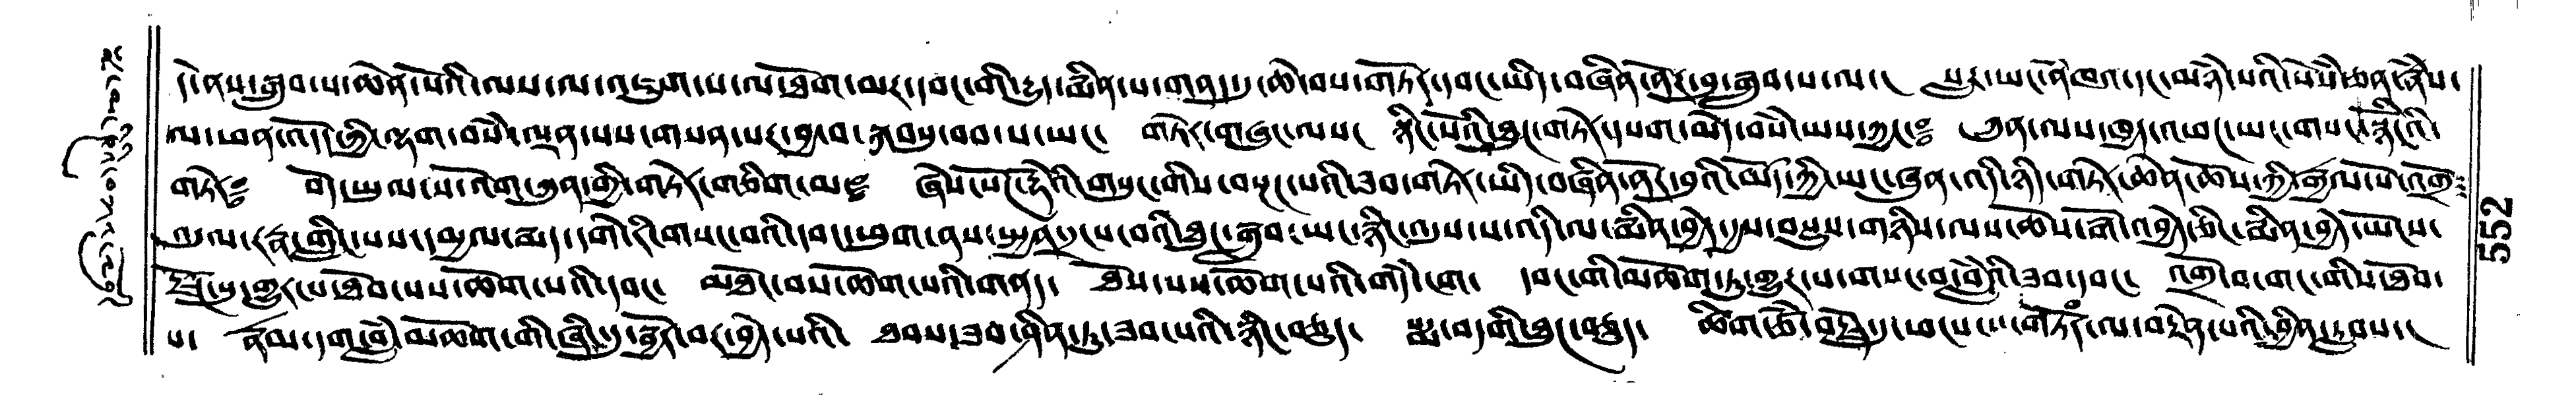དེ་ནས་སྒྲུབ་པ་ཆེན་པོའི་ལས་ལ་འཇུག་པ་ལ་ཐོག་མར་དབང་གིས་རྒྱུད་སྨིན་པ་གནད་དུ་ཆེ་བས་གཏོར་དབང་ཡིད་བཞིན་ནོར་བུ་སྒྲུབ་པ་ལགས། སླར་ཡང་ནམ་མཁའ་དང་མཉམ་པའི་སེམས་ཅན་རྣམས་
ལ་ཕན་འདོད་ཀྱི་ལྷག་བསམ་ལྡན་པས་གསན་པར་བྱ་བ་སྐབས་སུ་བབ་པ་ཡང་། གཏེར་གཞུང་ལས། སྙིང་པོའི་ཐུགས་གཏེར་དཔག་མེད་བསམ་ཡས་ཀྱང་༔ ཀུན་ལས་ཁྱད་འཕགས་ཡང་གསང་སྙིང་པོའི་
གཏེར༔ བོད་ཡུལ་ས་འོག་ཀུན་གྱི་གཏེར་གཅིག་མ༔ ཞེས་སོགས་རྡོ་རྗེའི་གསུང་གིས་བསྔགས་པའི་ཟབ་གཏེར་ཡིད་བཞིན་ནོར་བུའི་མཛོད་ཀྱི་ཡང་ཞུན་འདི་ཉིད་གཏེར་ཆེན་ཆོས་ཀྱི་རྒྱལ་པོ་འགྲོ་
འདུལ་རཏྣ་གླིང་པས་གཉལ་སྨད་དགེ་རི་གསང་བའི་དབང་ཕུག་ནས་སྤྱན་དྲངས་བའི་ཐུགས་སྒྲུབ་ཡང་སྙིང་འདུས་པ་འདི་ལ་སྨིན་བྱེད་རྒྱས་བསྡུས་གཉིས་ལས་ཆོས་སྒོ་འབྱེད་ཅིང་སྨིན་བྱེད་ཡོངས་
རྫོགས་སུ་གྱུར་པ་ཐོབ་པས་ཆོག་པའི་དབང་། མཐོང་བས་ཆོག་པའི་གནད། ཐོས་པས་ཆོག་པའི་གདམས་ངག དབང་གི་མཆོག་ཏུ་གྱུར་པ་གསང་བ་བླ་མའི་ཟབ་དབང་། འགྲོ་བ་གང་གིས་ཐོབ་
པ་རྣམ་དག་བླ་མ་མཆོག་གི་ཞིང་དུ་སྦྱོར་བར་བྱེད་པའི་ཐབས་ཟབ་ཤིན་ཏུ་ཟབ་པའི་སྙིང་བཅུད། པདྨ་བདག་གི་ཐུགས་བཅུད། ཚིག་ཙམ་བརྗོད་དུ་ཕངས་པ་གཏོར་མ་ལ་བརྟེན་པའི་བྱིན་རླབས།